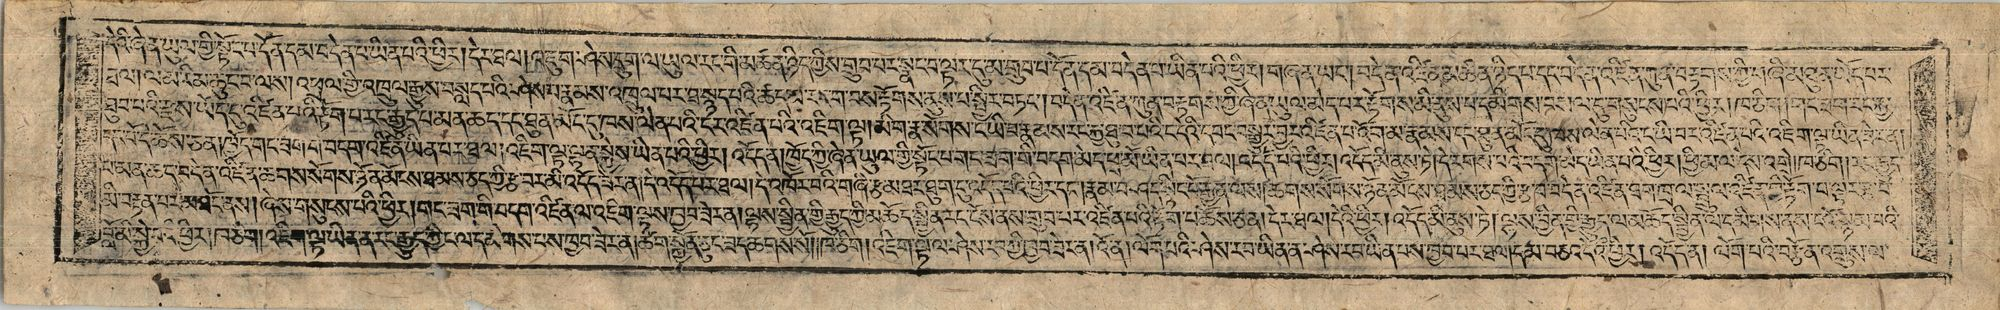དེའི་ཞེན་ཡུལ་གྱི་སྟོང་བ་དོན་དམ་བདེན་པ་ཡིན་པའི་ཕྱིར། དེར་ཐལ། འཇུག་ཤེས་དྲུག་ལ་ཡུལ་རང་གི་མཚན་ཉིད་ཀྱིས་གྲུབ་པར་སྣང་བ་ལྟར་དུ་མ་གྲུབ་པ་དོན་དམ་བདེན་པ་ཡིན་པའི་ཕྱིར། གཞན་ཡང་། བདེན་འཛིན་མཚན་ཉིད་པ་དང་བདེན་འཛིན་ཀུན་བརྟགས་ཀྱི་གཞི་མཐུན་ཡོད་པར་
ཐལ། ལམ་རིམ་ཆུང་བ་ལས། འཕྲལ་གྱི་འཁྲུལ་རྒྱུས་བསླད་པའི་ཤེས་པ་རྣམས་འཁྲུལ་པར་ཐ་སྙད་པའི་ཚད་མ་རང་ག་བས་རྟོགས་ནུས་པ་སྤྱིར་བཏང་། བདེན་འཛིན་ཀུན་བརྟགས་ཀྱི་ཞེན་ཡུལ་མེད་པར་རྟོགས་མི་ནུས་པ་དམིགས་བསལ་དུ་གསུངས་པའི་ཕྱིར། ཁ་ཅིག །གང་ཟག་རང་རྐྱ་
ཐུབ་པའི་རྫས་ཡོད་དུ་འཛིན་པའི་རྟོག་པ་རང་རྒྱུད་པ་མན་ཆད་དང་ཐུན་མོང་དུ་ཁས་ལེན་པའི་ངར་འཛིན་པའི་འཇིག་ལྟ། མིག་རྣ་སོགས་ང་ཡི་བ་རྣམས་རང་རྐྱ་ཐུབ་པའི་ང་དེའི་དབང་བསྒྱུར་བྱར་འཛིན་པ་འོག་མ་རྣམས་དང་ཐུན་མོང་དུ་ཁས་ལེན་པའི་ང་ཡི་བར་འཛིན་པའི་འཇིག་ལྟ་ཡིན་ཟེར་ན།
དང་པོ་དེ་ཆོས་ཅན། ཁྱོད་གང་ཟག་གི་བདག་འཛིན་ཡིན་པར་ཐལ། འཇིག་ལྟ་ལྷན་སྐྱེས་ཡིན་པའི་ཕྱིར། འདོད་ན། ཁྱོད་ཀྱི་ཞེན་ཡུལ་གྱི་སྟོང་བ་གང་ཟག་གི་བདག་མེད་ཕྲ་མོ་ཡིན་པར་ཐལ། འདོད་པའི་ཕྱིར། འདོད་མི་ནུས་ཏེ། དེ་རགས་པའི་བདག་མེད་ཡིན་པའི་ཕྱིར། ཕྱི་མ་ལ་དེས་འགྲེ།ཁ་ཅིག །རང་རྒྱུད་
པ་མན་ཆད་བདེན་འཛིན་ཆགས་སོགས་ཉོན་མོངས་ཐམས་ཅད་ཀྱི་རྩ་བར་མི་འདོད་ཟེར་ན། དེ་འདོད་པར་ཐལ། དེ་འཁོར་བའི་གཞི་རྩ་མཐར་ཐུག་དུ་འདོད་པའི་ཕྱིར་དང་། རྣམ་བཤད་སྙིང་པོ་རྒྱན་ལས། ཆགས་སོགས་ཉོན་མོངས་ཐམས་ཅད་ཀྱི་རྩ་བ་བདེན་འཛིན་ཐག་ཁྲལྶྤྲུལ་འཛིན་གྱི་རྟོག་པ་ལྟར་རྩ་བ་
མི་བརྟན་པར་མཐོང་ནས། ཞེས་གསུངས་པའི་ཕྱིར། གང་ཟག་གི་བདག་འཛིན་ལ་འཇིག་ལྟས་ཁྱབ་ཟེར་ན། ལྷས་སྦྱིན་གྱི་རྒྱུད་ཀྱི་མཆོད་སྦྱིན་རང་ངོས་ནས་གྲུབ་པར་འཛིན་པའི་རྟོག་པ་ཆོས་ཅན། དེར་ཐལ། དེའི་ཕྱིར། འདོད་མི་ནུས་ཏེ། ལྷས་བྱིན་གྱི་རྒྱུད་ལ་མཆོད་སྦྱིན་ལ་དམིགས་ནས་ངའོ་སྙམ་པའི་
བློ་མི་སྐྱེ་བའི་ཕྱིར། ཁ་ཅིག །འཇིག་ལྟ་ཡིན་ན་རང་རྒྱུད་ཀྱི་ང་ལ་དམིགས་པས་ཁྱབ་ཟེར་ན། ཚིག་སྐྱོན་ཅུང་ཟད་ཆགས་སོ། །ཁ་ཅིག །འཇིག་ལྟ་ལ་ཤེས་རབ་ཀྱི་ཁྱབ་ཟེར་ན། འོ་ན། ལོག་པའི་ཤེས་རབ་ཡིན་ན་ཤེས་རབ་ཡིན་པས་ཁྱབ་པར་ཐལ། དམ་བཅའ་དེའི་ཕྱིར། འདོད་ན། ལོག་པའི་བརྩོན་འགྲུས་ལ་